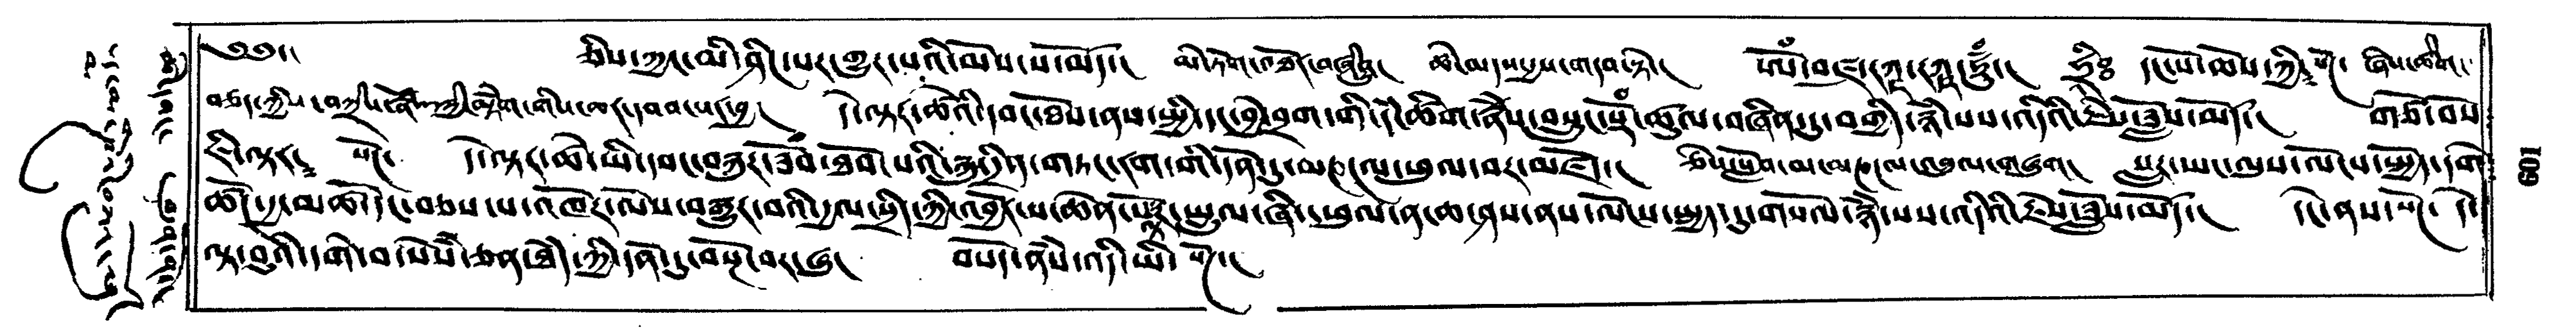ཅིས་ཀྱང་མི་ཤིགས་པར་གྱུར་པའི་མོས་པ་མཛོད། མེ་ཏོག་འཐོར་བཞིན་དུ་ཚེ་མདས་རྒྱས་གདབ་སྟེ། ཨོཾ་བཛྲ་རཀྵ་རཀྵ་ཧཱུྃ། ཧྲཱིཿ དང་པོ་ཆོས་ཀྱི༴ སོགས། ཞེས་ཚིགས་
བཅས་ཀྱིས་བཀྲ་ཤིས་རྣམས་ཀྱི་མེ་ཏོག་གིས་ཆར་དབབ་པར་བྱ། དེ་ལྟར་ཚེའི་དབང་ཐོབ་ནས་སྤྱི་དང་བྱེ་བྲག་གི་དམ་ཚིག་རྣམས་སྲུང་སྡོམ་ཚུལ་བཞིན་དུ་བགྱིད་སྙམ་པས་འདིའི་རྗེས་ཟློས་མཛོད། གཙོ་བོས་
ཇི་ལྟར་སོགས། དེ་ལྟར་ཚེ་ཡི་དབང་བསྐུར་ཟབ་མོ་ཐོབ་པའི་སྐུ་དྲིན་གཏང་རག་གི་དོན་དུ་མཎྜལ་ཕུལ་བར་མཛོད། ཅེས་སློབ་མ་མཎྜལ་འབུལ་གཞུག སླར་ཡང་ལུས་ལོངས་སྤྱོ་དགེ་
ཚོགས་རྒྱ་མཚོ་དང་བཅས་པ་འཁོར་ལོས་བསྒྱུར་བའི་རྒྱལ་སྲིད་ཀྱི་འབྱོར་པ་ཆེན་པོ་ལྟར་སྤྲུལ་ཞིང་ཕུལ་ན་ཆ་ཤས་ནས་ལོངས་སྤྱད་དུ་གསོལ་སྙམ་པས་འདིའི་རྗེས་ཟློས་མཛོད། དེང་ནས་སོགས། དེ་
ལྟ་བུའི་དགེ་བ་སེམས་ཅན་ཐམས་ཅད་ཀྱི་དོན་དུ་བསྔོ་བར་ཞུ། བསོད་ནམས་འདི་ཡི་སོགས།